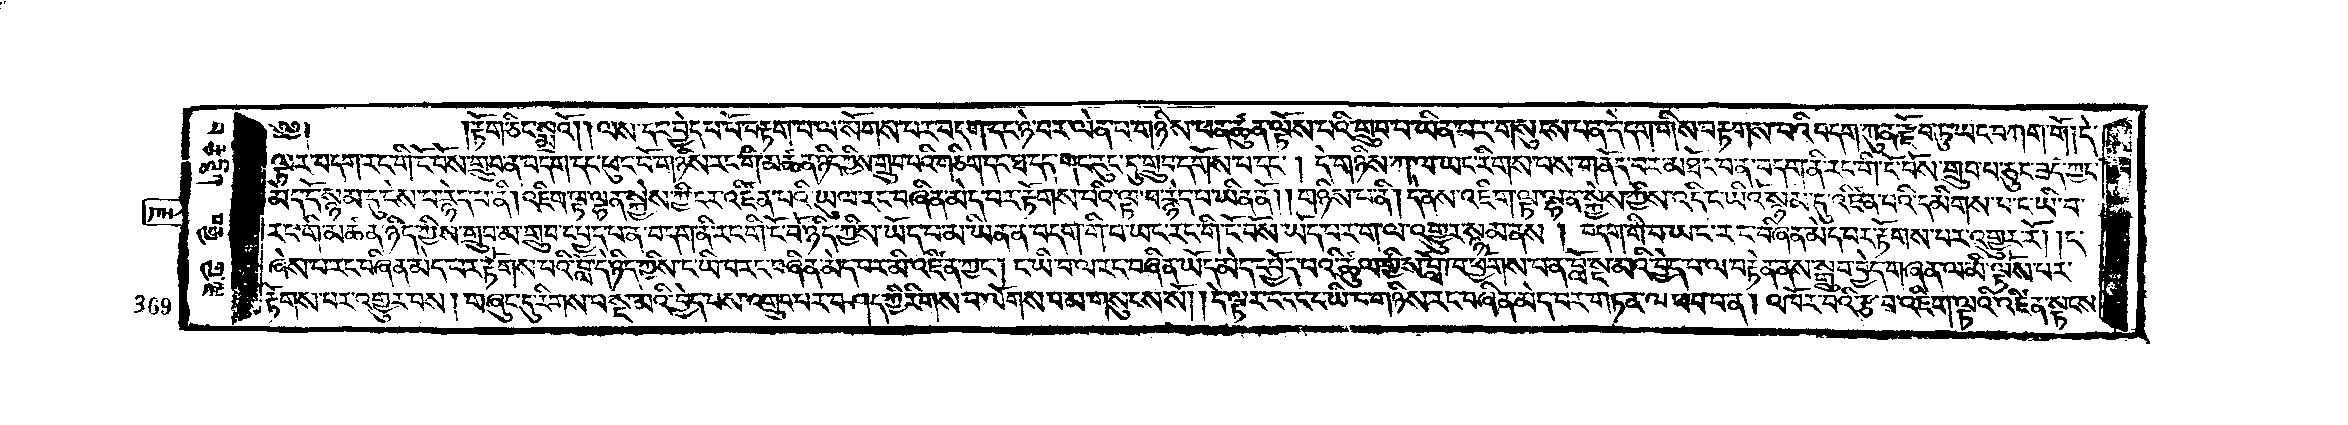༄༅། །རྟོག་ཅིང་སྨྲའོ། །ལས་དང་བྱེད་པ་པོ་བརྟག་པ་ལ་སོགས་པར་བདག་དང་ཉེ་བར་ལེན་པ་གཉིས་ཕན་ཚུན་ལྟོས་པའི་གྲུབ་པ་ཡིན་པར་གསུངས་པ་ན་དེ་དག་གིས་བརྟགས་པའི་བདག་ཀུན་རྫོབ་ཏུ་ཡང་བཀག་གོ །དེ་
ལྟར་བདག་རང་གི་ངོ་བོས་གྲུབ་ན་བདག་དང་ཕུང་པོ་གཉིས་རང་གི་མཚན་ཉིད་ཀྱིས་གྲུབ་པའི་གཅིག་དང་ཐ་དད་གང་རུང་དུ་གྲུབ་དགོས་པ་དང་། དེ་གཉིས་ཀ་ལ་ཡང་རིགས་པས་གནོད་པར་མཐོང་བ་ན་བདག་ནི་རང་གི་ངོ་བོས་གྲུབ་པ་ཅུང་ཟད་ཀྱང་
མེད་དོ་སྙམ་དུ་ངེས་པ་རྙེད་པ་ནི། འཇིག་ལྟ་ལྷན་སྐྱེས་ཀྱི་ངར་འཛིན་པའི་ཡུལ་རང་བཞིན་མེད་པར་རྟོགས་པའི་ལྟ་བ་རྙེད་པ་ཡིན་ནོ། །གཉིས་པ་ནི། དེ་ནས་འཇིག་ལྟ་ལྷན་སྐྱེས་ཀྱིས་འདི་ང་ཡིའོ་སྙམ་དུ་འཛིན་པའི་དམིགས་པ་ང་ཡི་བ་
རང་གི་མཚན་ཉིད་ཀྱིས་གྲུབ་མ་གྲུབ་དཔྱད་པ་ན་བདག་ནི་རང་གི་ངོ་བོ་ཉིད་ཀྱིས་ཡོད་པ་མ་ཡིན་ན་བདག་གི་བ་ཡང་རང་གི་ངོ་བོས་ཡོད་པར་ག་ལ་འགྱུར་སྙམ་ནས། བདག་གི་བ་ཡང་རང་བཞིན་མེད་པར་རྟོགས་པར་འགྱུར་རོ། །ང་
ཞེས་པ་རང་བཞིན་མེད་པར་རྟོགས་པའི་བློ་དེ་ཉིད་ཀྱིས་ང་ཡི་བ་རང་བཞིན་མེད་པར་མི་འཛིན་ཀྱང་། ང་ཡི་བ་ལ་རང་བཞིན་ཡོད་མེད་དཔྱོད་པའི་ཚུལ་གྱིས་བློ་ཁ་ཕྱོགས་པ་ན་བློ་སྔ་མའི་བྱེད་པ་ལ་བརྟེན་ནས་སྒྲུབ་བྱེད་གཞན་ལ་མི་ལྟོས་པར་
རྟོགས་པར་འགྱུར་བས། གཞུང་དུ་རིགས་པ་སྔ་མའི་བྱེད་པས་འགྲུབ་པར་བཤད་ཀྱི་རིགས་པ་ལོགས་པ་མ་གསུངས་སོ། །དེ་ལྟར་ང་དང་ང་ཡི་བ་གཉིས་རང་བཞིན་མེད་པར་གཏན་ལ་ཕབ་པ་ན། འཁོར་བའི་རྩ་བ་འཇིག་ལྟའི་འཛིན་སྟངས་